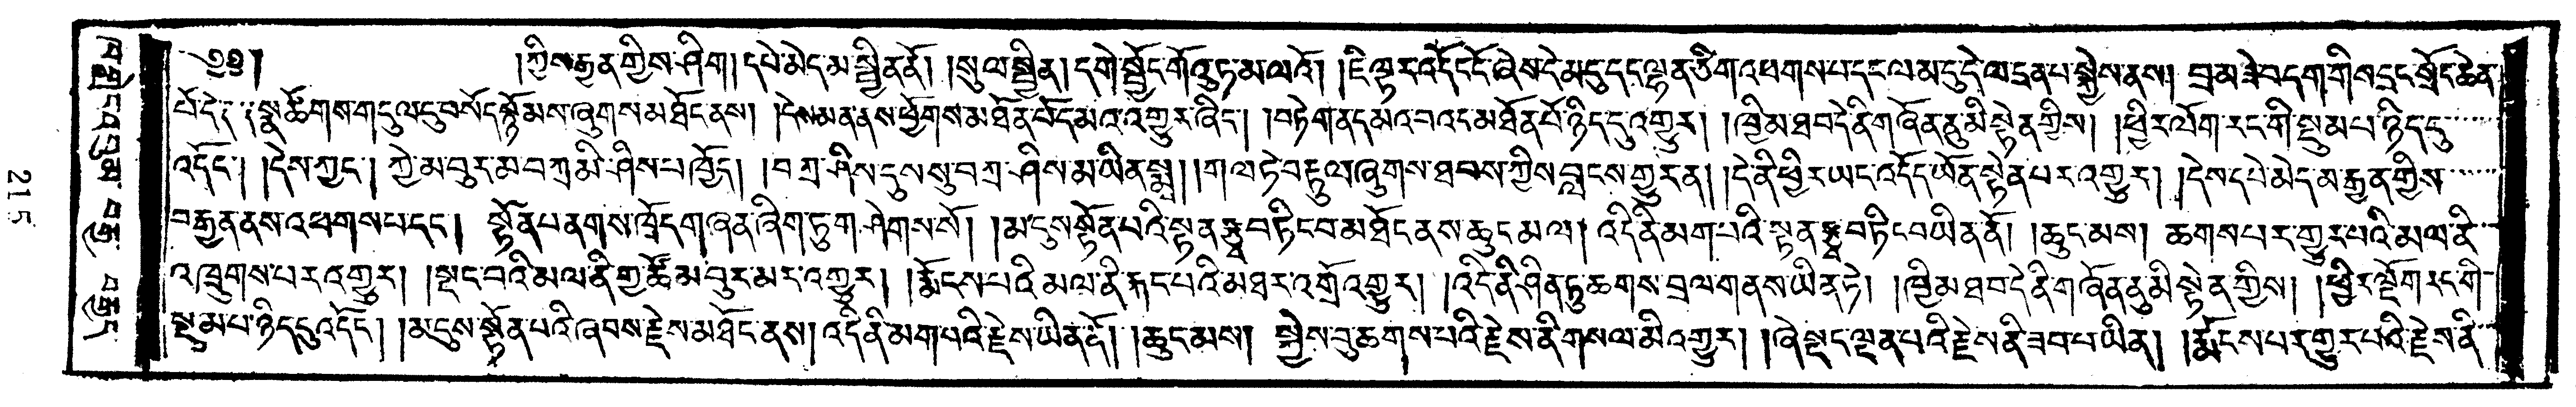༄༅། །ཀྱིས་རྒྱན་གྱིས་ཤིག །དཔེ་མེད་མ་སྦྱིན་ནོ། །སུ་ལ་སྦྱིན། དགེ་སྦྱོང་གོའུ་ཏ་མ་ལའོ། །ཇི་ལྟར་འདོང་ངོ་ཞེས་དེ་མདུ་དང་ལྷན་ཅིག་འཕགས་པ་དང་ལམ་དུ་དེ་ལ་དྲན་པ་སྐྱེས་ནས། བྲམ་ཟེ་བདག་གིས་དྲང་སྲོང་ཆེན་
པོ་དེ༑ ༑སྣ་ཚོགས་གདུལ་དུ་བསོད་སྙོམས་ཞུགས་མཐོང་ནས། །དེས་མན་ནས་ཕྱོགས་མཐོན་པོ་དམའ་འགྱུར་ཞིང་། །བཏེག་ན་དམའ་བའང་མཐོན་པོ་ཉིད་དུ་འགྱུར། །ཁྱིམ་ཐབ་དེ་ནི་གཞོན་ནུ་མི་སྟེན་གྱིས། །ཕྱིར་ལོག་རང་གི་སྡུམ་པ་ཉིད་དུ་
འདོང་། །དེས་ཀྱང་། ཀྱེ་མ་བུར་མ་བཀྲ་མི་ཤིས་པ་ཁྱོད། །བཀྲ་ཤིས་དུས་སུ་བཀྲ་ཤིས་མ་ཡིན་སྨྲ། །གལ་ཏེ་བརྟུལ་ཞུགས་ཐབས་ཀྱིས་བླངས་གྱུར་ན། །དེ་ནི་ཕྱིར་ཡང་འདོད་ཡོན་སྟེན་པར་འགྱུར། །དེས་དཔེ་མེད་མ་རྒྱན་གྱིས་
བརྒྱན་ནས་འཕགས་པ་དང་། སྟོན་པ་ནགས་ཁྲོད་གཞན་ཞིག་ཏུ་གཤེགས་སོ། །མ་དུས་སྟོན་པའི་སྟན་རྩྭ་བཏིང་བ་མཐོང་ནས་ཆུང་མ་ལ། འདི་ནི་མག་པའི་སྟན་རྩྭ་བཏིང་བ་ཡིན་ནོ། །ཆུང་མས། ཆགས་པར་གྱུར་པའི་མལ་ནི་
འཁྲུགས་པར་འགྱུར། །སྡང་བའི་མལ་ནི་གྱ་ཚོམ་བུར་མར་འགྱུར། །རྨོངས་པའི་མལ་ནི་རྐང་པའི་མཐར་འགྲོ་འགྱུར། །འདི་ནི་ཤིན་ཏུ་ཆགས་བྲལ་གནས་ཡིན་ཏེ། །ཁྱིམ་ཐབ་དེ་ནི་གཞོན་ནུ་མི་སྟེན་གྱིས། །ཕྱིར་ལྡོག་རང་གི་
སྡུམ་པ་ཉིད་དུ་འདོང་། །མདུས་སྟོན་པའི་ཞབས་རྗེས་མཐོང་ནས། འདི་ནི་མག་པའི་རྗེས་ཡིན་ནོ། །ཆུང་མས། སྐྱེས་བུ་ཆགས་པའི་རྗེས་ནི་གསལ་མི་འགྱུར། །ཞེ་སྡང་ལྡན་པའི་རྗེས་ནི་ཟབ་པ་ཡིན། །རྨོངས་པར་གྱུར་པའི་རྗེས་ནི་